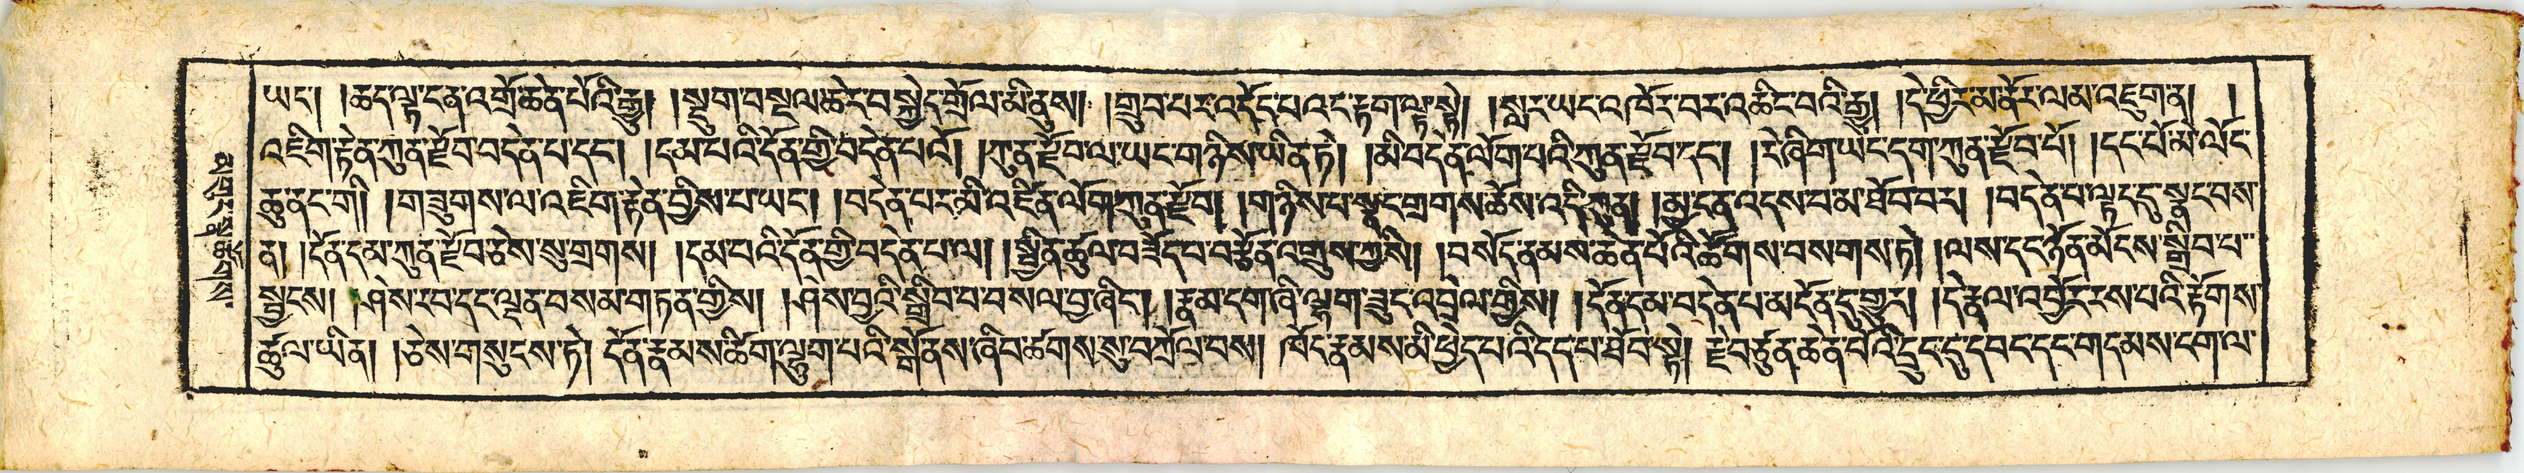ཡང་། །ཆད་ལྟ་ངན་འགྲོ་ཆེན་པོའི་རྒྱུ། །སྡུག་བསྔལ་ཆེར་བསྐྱེད་གྲོལ་མི་ནུས། །གྲུབ་པར་འདོད་པའང་རྟག་ལྟ་སྟེ། །སླར་ཡང་འཁོར་བར་འཆིང་བའི་རྒྱུ། །དེ་ཕྱིར་མ་ནོར་ལམ་འཇུག་ན། །
འཇིག་རྟེན་ཀུན་རྫོབ་བདེན་པ་དང་། །དམ་པའི་དོན་གྱི་བདེན་པའོ། །ཀུན་རྫོབ་ལ་ཡང་གཉིས་ཡིན་ཏེ། །མི་བདེན་ལོག་པའི་ཀུན་རྫོབ་དང་། །རེ་ཞིག་ཡང་དག་ཀུན་རྫོབ་པོ། །དང་པོ་མེ་ལོང་
ཆུ་ནང་གི། །གཟུགས་ལ་འཇིག་རྟེན་བྱིས་པ་ཡང་། །བདེན་པར་མི་འཛིན་ལོག་ཀུན་རྫོབ། །གཉིས་པ་སྣང་གྲགས་ཆོས་འདི་ཀུན། །མྱ་ངན་འདས་པ་མ་ཐོབ་བར། །བདེན་པ་ལྟར་དུ་སྣང་བས་
ན། །དོན་དམ་ཀུན་རྫོབ་ཅེས་སུ་གྲགས། །དམ་པའི་དོན་གྱི་བདེན་པ་ལ། །སྦྱིན་ཚུལ་བཟོད་པ་བརྩོན་འགྲུས་ཀྱིས། །བསོད་ནམས་ཆེན་པོའི་ཚོགས་བསགས་ཏེ། །ལས་དང་ཉོན་མོངས་སྒྲིབ་པ་
སྦྱངས། །ཤེས་རབ་དང་ལྡན་བསམ་གཏན་གྱིས། །ཤེས་བྱའི་སྒྲིབ་བ་བསལ་བྱ་ཞིང་། །རྣམ་དག་ཞི་ལྷག་ཟུང་འབྲེལ་གྱིས། །དོན་དམ་བདེན་པ་མངོན་དུ་གྱུར། །ད་རྣལ་འབྱོར་རས་པའི་རྟོགས་
ཚུལ་ཡིན། །ཅེས་གསུངས་ཏེ། དོན་རྣམས་ཚིག་ལྷུག་པའི་སྒོ་ནས་ཞིབ་ཚགས་སུ་བཀྲོལ་བས། ཁོང་རྣམས་མི་ཕྱེད་པའི་དད་པ་ཐོབ་སྟེ། རྗེ་བཙུན་ཆེན་པོའི་དྲུང་དུ་དབང་དང་གདམས་ངག་ལ་